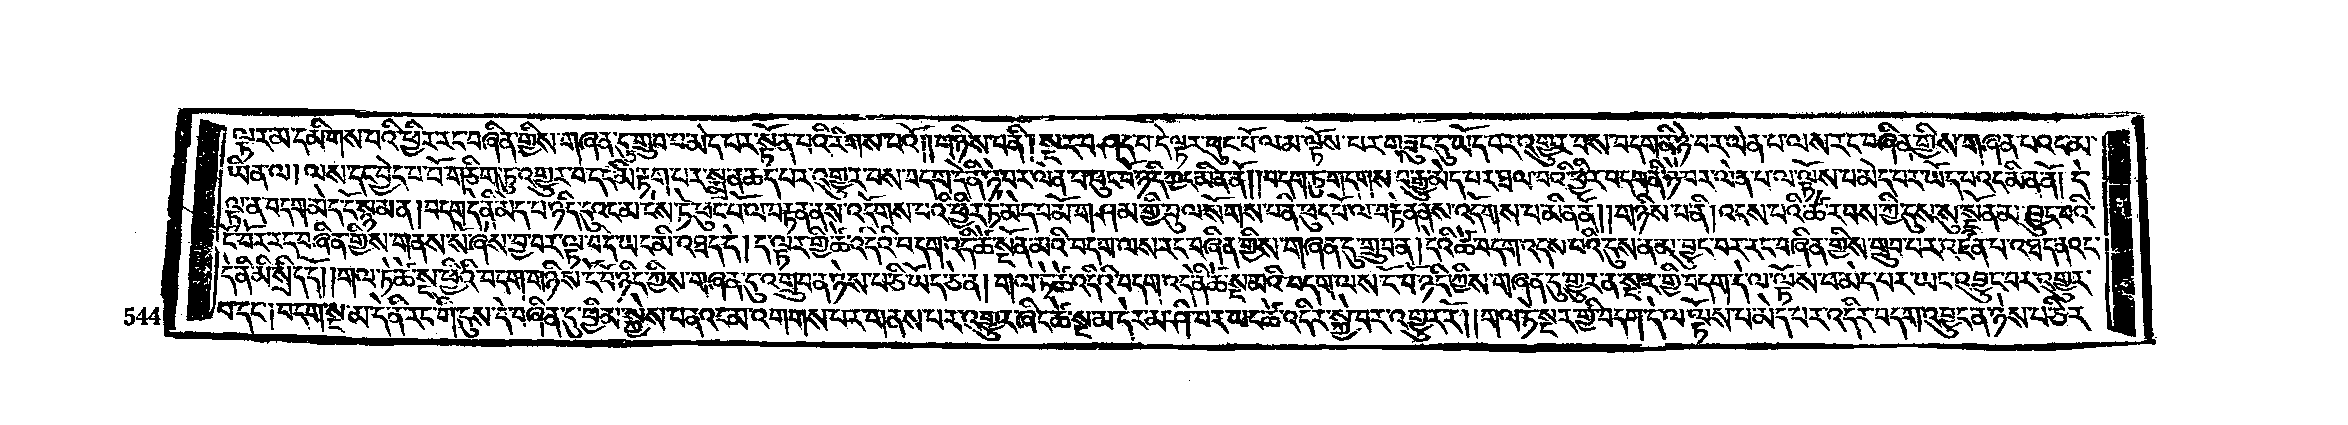ལྟར་མ་དམིགས་པའི་ཕྱིར་རང་བཞིན་གྱིས་གཞན་དུ་གྲུབ་པ་མེད་པར་སྟོན་པའི་ཚིགས་པའོ། །གཉིས་པ་ནི། སྔར་བཤད་པ་དེ་ལར་བུ་ངོ་བོ་ལམ་ལྟོ་བུ་ཁར་གཟུང་དུ་ཡོད་པར་འགྱུར་བས་བདང་ནི་ཉེ་ནར་ལེན་པ་ལས་རང་བཞིན་གྱིས་གཞན་པའང་མ་
ཡིན་ལ། ལས་དང་བྱེད་པ་པོ་གཅིག་ཏུ་འགྱུར་བ་དང་མི་རྟག་པར་སྨྲ་ན་ཆད་པར་འགྱུར་བས་བདག་དེ་ནི་ཉེ་བར་ལེན་པ་ཕུང་བོ་ཉིད་ཀྱང་མིན་ནོ། །བདག་ཏུ་གདགས་པ་རྒྱུ་མེད་པར་ཐལ་བའི་ཕྱིར་བདག་ནི་ཉེ་བར་ལེན་པ་ལ་ལྟོས་པ་མེད་པར་ཡོད་པའང་མིན་ནོ། །དེ་
ལྟ་ན་བདག་མེད་དོ་སྙམ་ན། བདག་དེ་ནི་མེད་པ་ཉིད་དུའང་མ་ངེས་ཏེ་ཕུང་པོ་ལ་བརྟན་ནས་འདོགས་པའི་ཕྱིར་ཏེ་མེད་པ་མོ་གཤམ་གྱི་བུ་ལ་སོགས་པ་ནི་ཕུང་པོ་ལ་བརྟེན་ནས་དོགས་པ་མིན་ནོ། །གཉིས་པ་ནི། འདས་པའི་ཚེ་རབས་ཀྱིས་དུས་སུ་སྔོན་མ་བྱུང་བའི་
ངོ་བོར་རང་བཞིན་གྱིས་གནས་སོ་ཞེས་བྱ་བར་ལྟ་བ་དེ་ཡང་མི་འཐད་དེ། ད་ལྟར་གྱི་ཚེ་འདིའི་བདག་འདི་ཚེ་སྔོན་མའི་བདག་ལས་རང་བཞིན་གྱིས་གཞན་དུ་གྲུབ་ནི། དེའི་ཚེ་འདག་བའི་དུས་ནམ་བྱུང་བར་རང་བཞིན་གྱིས་གྲུབ་པར་འཛིན་པ་འཐད་ནའང་
དེ་ནི་མི་སྲིད་དོ། །གལ་ཏེ་ཚེ་སྔ་ཕྱིའི་བདག་གཉིས་ངོ་བོ་ཉིད་ཀྱིས་གཞན་དུ་འགྲུབ་ན་ཉེས་པ་ཅི་ཡོད་ཅེ་ན། གལ་ཏེ་ཚེ་འདིའི་བདག་འདི་ནི་ཚེ་སྔ་མའི་བདག་ལས་ངོ་བོ་ཉིད་ཀྱིས་གཞན་དུ་གྱུར་ན་སྔར་གྱི་བདག་དེ་ལ་ལྟོས་པ་མེད་པར་ཡང་འབྱུང་བར་འགྱུར་
བ་དང་། བདག་སྔ་མ་དེ་ནི་རང་གི་དུས་དེ་བཞིན་དུ་ཕྱི་མ་སྐྱེས་པ་ནའང་མ་འགགས་པར་གནས་པར་འགྱུར་ཞིང་ཚེ་སྔ་མ་དེར་ཡེ་ཤི་བས་ཡང་ཚེ་འདིར་སྐྱེ་བར་འགྱུར་རོ། །གལ་ཏེ་སྣར་གྱི་དགག་དེ་ལ་ལྟོས་པ་མེད་པར་འདིར་བདག་འབྱུང་ན་ཉེས་པ་ཅིར་